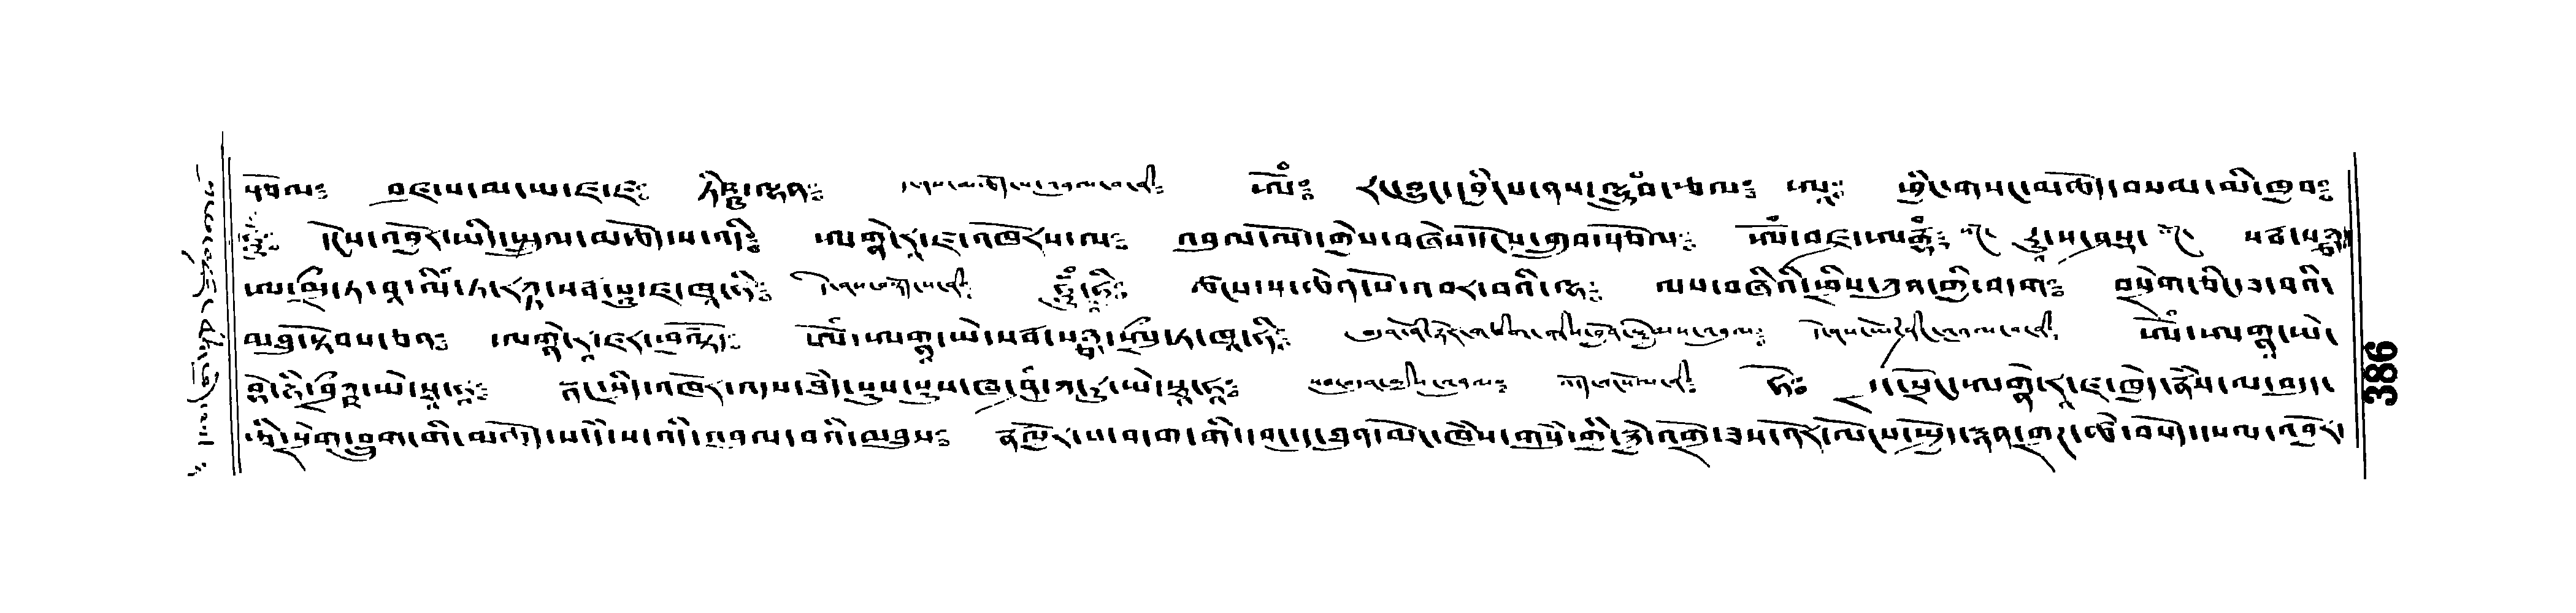སྩོལ༔ བཛྲ་ས་མ་ཡ་ཛ་ཛཿ ཏིཥྛ་ལྷན༔ དེ་ནས་མཆོད་པ་འབུལ་བ་ནི༔ ཨོཾ༔ རང་བྱུང་དབྱིངས་ནས་ལྷུན་གྲུབ་རྩལ༔ ཨཱཿ ཕྱི་ནང་གསང་མཆོད་བསམ་མི་ཁྱབ༔ 
ཧཱུྃ༔ དངོས་འབྱོར་ཡིད་སྤྲུལ་མཆོད་པ་འདི༔ ཨགྣེ་རཱ་ཛ་འཁོར་བཅས་ལ༔ འབུལ་ལོ་དགྱེས་བཞེས་དངོས་གྲུབ་སྩོལ༔ ཨོཾ་བཛྲ་ཨརྒྷཾ་སོགས༔ རཱུ་པ་ཤཔྡ་སོགས༔ སརྦ་པཉྩ་
ཨ་མྲྀ་ཏ་བཱ་ལིཾ་ཏ་རཀྟ་སརྦ་པཱུ་ཛ་ཁཱ་ཧིཿ དེ་ནས་བསྟོད་པ་ནི༔ ཧཱུྃ་ཧྲཱིཿ ཚངས་པ་ཆེན་པོ་འབར་བའི་ལྷ༔ ལས་བཞིའི་ཕྲིན་ལས་ཀུན་གྱི་བདག༔ བསྲེག་ཅིང་ཟ་བའི་
མཐུ་སྟོབས་ཅན༔ ཨགྣེ་རཱ་ཛར་ཕྱག་འཚལ་བསྟོད༔ཨོཾ་ཨགྣཱ་ཡེ་སརྦ་པཉྩ་ཨ་མྲྀ་ཏ་ཁཱ་ཧིཿ བདུན་ནམ་ཉེར་གཅིག་གིས་བྱོན་སྐྱེམས་འབུལ༔ དེ་ནས་ཡམ་ཤིང་འབུལ་བ་ནི༔ ཨོཾ་ཨགྣཱ་ཡེ་
བྷོ་དྷི་བྲྀཀྵ་ཡེ་སྭཱ་ཧཱཿ སྣང་སྲིད་འཁོར་འདས་ཐམས་ཅད་སྡུས་སྡུས་ཝ་ཤཾ་ཀུ་རུ་ཡེ་སྭཱ་ཧཱཿ ལན་བདུན་གྱིས་འབུལ༔ འདོད་གསོལ་ནི༔ ཧོཿ དྲང་སྲོང་ཨགྣེ་རཱ་ཛ་ཁྱེད་རྣམས་ལ་བདུད་
རྩི་སྲེག་བླུག་གི་མཆོད་པ་དམ་པ་འདི་འཕུལ་བའི་མཐུས༔ རྣལ་འབྱོར་པ་བདག་གི་དབང་དུ་ཐུན་མོང་ཁམས་གསུམ་གྱི་སྐྱེ་འགྲོ་ཟས་ནོར་ལོངས་སྤྱོད་སྙན་གྲགས་ཚེ་བསོད་དཔལ་འབྱོར་